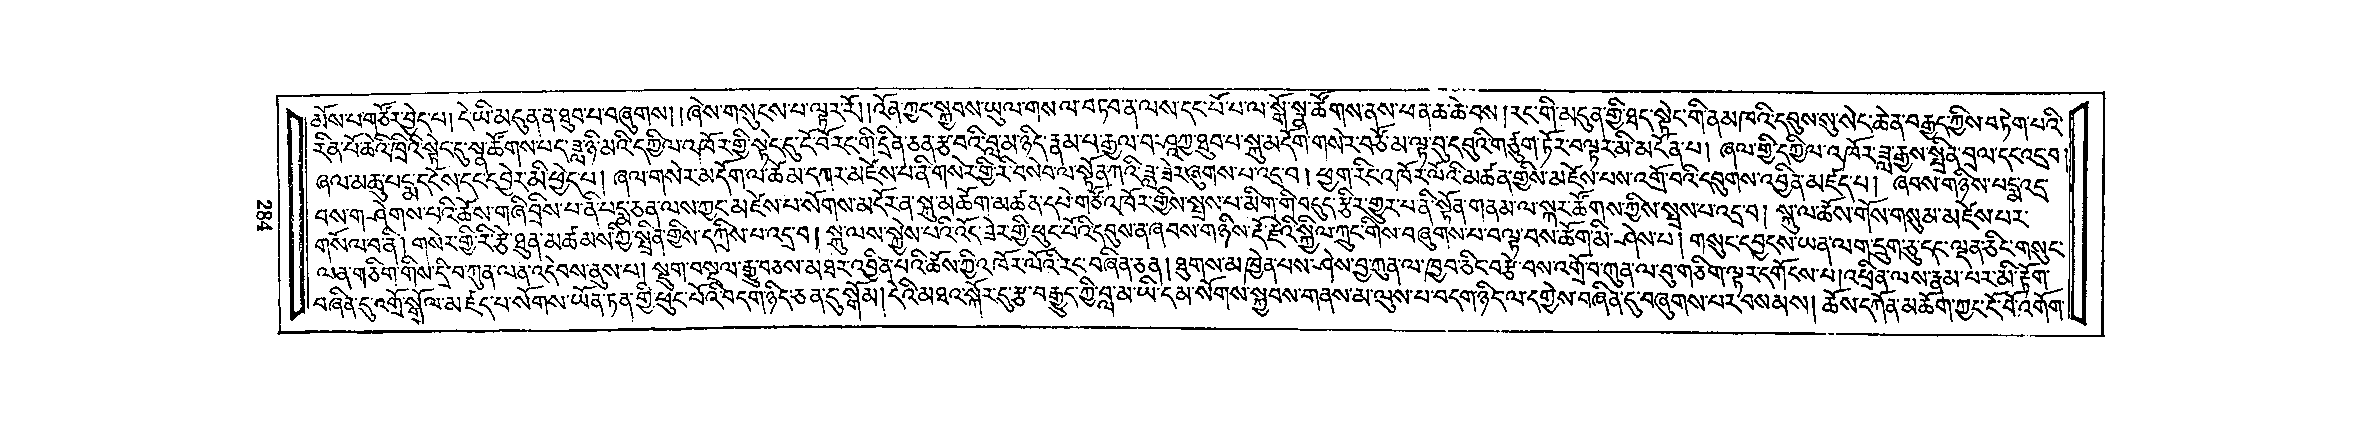མོས་པ་གཙོར་བྱེད་པ། དེ་ཡི་མདུན་ན་ཐུབ་པ་བཞུགས། །ཞེས་གསུངས་པ་ལྟར་རོ། །འོན་ཀྱང་སྐྱབས་ཡུལ་གསལ་བཏབ་ན་ལས་དང་པོ་པ་ལ་སྒོ་སྣ་ཚོགས་ནས་ཕན་ཆ་ཆེ་བས། རང་གི་མདུན་གྱི་ཐད་སྟེང་གི་ནམ་མཁའི་དབུས་སུ་སེང་ཆེན་བརྒྱད་ཀྱིས་བཏེག་པའི་
རིན་པོ་ཆེའི་ཁྲིའི་སྟེང་དུ་སྣ་ཚོགས་པད་ཟླ་ཉི་མའི་དཀྱིལ་འཁོར་གྱི་སྟེང་དུ་ངོ་བོ་རང་གི་དྲིན་ཅན་རྩ་བའི་བླ་མ་ཉིད་རྣམ་པ་རྒྱལ་བ་ཤཱཀྱ་ཐུབ་པ་སྐུ་མདོག་གསེར་བཙོ་མ་ལྟ་བུ་དབུའི་གཙུག་ཏོར་བལྟར་མི་མངོན་པ། ཞལ་གྱི་དཀྱིལ་འཁོར་ཟླ་རྒྱས་སྤྲིན་བྲལ་དང་འདྲ་བ་
ཞལ་མཆུ་པདམ་དངོས་དང་དབྱེར་མི་ཕྱེད་པ། ཞལ་གསེར་མདོག་ལ་ཚེམ་དཀར་མཛེས་པ་ནི་གསེར་གྱི་རི་བསེབ་ལ་སྟོན་ཀའི་ཟླ་ཟེར་ཞུགས་པ་འདྲ་བ། ཕྱག་རིང་འཁོར་ལོའི་མཚན་གྱིས་མཛེས་པས་འགྲོ་བའི་དབུགས་འབྱིན་མཛད་པ། ཞབས་གཉིས་པདམ་འདྲ་
བས་གཤེགས་པའི་ཚེ་ས་གཞི་བྲིས་པ་ནི་པདམ་ཅན་ལས་ཀྱང་མཛེས་པ་སོགས་མདོར་ན་སྐུ་མཆོག་མཚན་དཔེ་གཙོ་འཁོར་གྱིས་སྤྲས་པ་མིག་གི་བདུད་རྩིར་གྱུར་པ་ནི་སྟོན་གནམ་ལ་སྐར་ཚོགས་ཀྱིས་སྤྲས་པ་འདྲ་བ། སྐུ་ལ་ཆོས་གོས་གསུམ་མཛེས་པར་
གསོལ་བ་ནི། གསེར་གྱི་རི་རྩེ་ཐུན་མཚམས་ཀྱི་སྤྲིན་གྱིས་དཀྲིས་པ་འདྲ་བ། སྐུ་ལས་སྐྱེས་པའི་འོད་ཟེར་གྱི་ཕུང་པོའི་དབུས་ན་ཞབས་གཉིས་རྡོ་རྗེའི་སྐྱིལ་ཀྲུང་གིས་བཞུགས་པ་བལྟ་བས་ཆོག་མི་ཤེས་པ། གསུང་དབྱངས་ཡན་ལག་དྲུག་ཅུ་དང་ལྡན་ཅིང་གསུང་
ལན་གཅིག་གིས་དྲི་བ་ཀུན་ལན་འདེབས་ནུས་པ། སྡུག་བསྔལ་རྒྱུ་བཅས་མཐར་འབྱིན་པའི་ཆོས་ཀྱི་འཁོར་ལོའི་རང་བཞིན་ཅན། ཐུགས་མཁྱེན་པས་ཤེས་བྱ་ཀུན་ལ་ཁྱབ་ཅིང་བརྩེ་བས་འགྲོ་བ་ཀུན་ལ་བུ་གཅིག་ལྟར་དགོངས་པ། འཕྲིན་ལས་རྣམ་པར་མི་རྟོག་
བཞིན་དུ་འགྲོ་སྒྲོལ་མཛད་པ་སོགས་ཡོན་ཏན་གྱི་ཕུང་པོའི་བདག་ཉིད་ཅན་དུ་སྒོམ། དེའི་མཐའ་སྐོར་དུ་རྩ་བརྒྱུད་ཀྱི་བླ་མ་ཡི་དམ་སོགས་སྐྱབས་གནས་མ་ལུས་པ་བདག་ཉིད་ལ་དགྱེས་བཞིན་དུ་བཞུགས་པར་བསམས། ཆོས་དཀོན་མཆོག་ཀྱང་ངོ་བོ་འགོག་